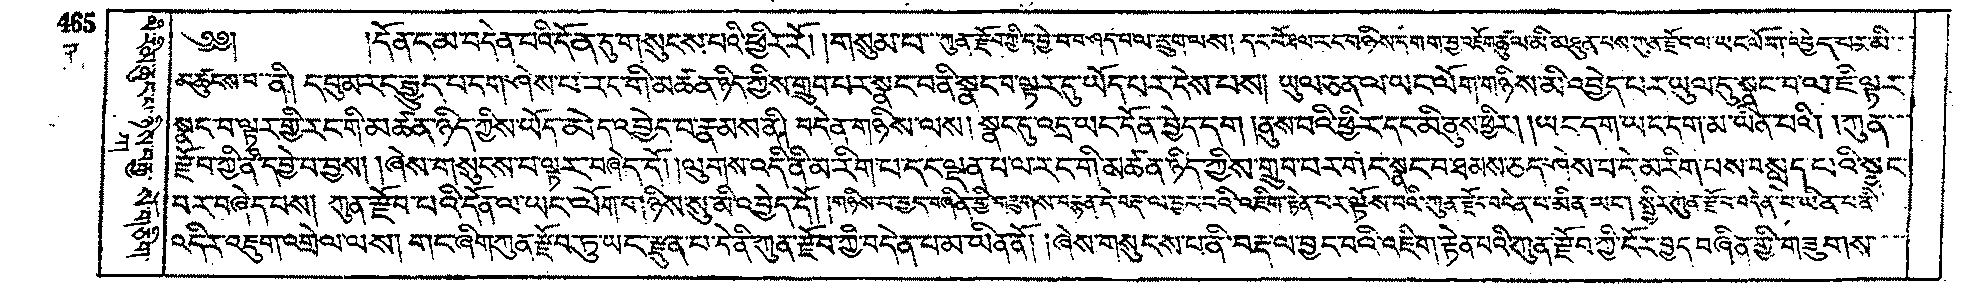༄༅། །དོན་དམ་བདེན་པའི་དོན་དུ་གསུངས་པའི་ཕྱིར་རོ། །གསུམ་པཀུན་རྫོབ་ཀྱི་དབྱེ་བ་བཤད་པ་ལ་དྲུག་ལས། དང་པོ་ཐལ་རང་གཉིས་དགག་བྱ་འཇོག་ཚུལ་མི་མཐུན་པས་ཀུན་རྫོབ་ལ་ཡང་ལོག་འབྱེད་པར་མི་
མཚུངས་པནི། དབུ་མ་རང་རྒྱུད་པ་དག་ཤེས་པ་རང་གི་མཚན་ཉིད་ཀྱིས་གྲུབ་པར་སྣང་བ་ནི་སྣང་བ་ལྟར་དུ་ཡོད་པར་ངེས་པས། ཡུལ་ཅན་ལ་ཡང་ལོག་གཉིས་མི་འབྱེད་པར་ཡུལ་དུ་སྣང་བ་ལ་ཇི་ལྟར་
སྣང་བ་ལྟར་གྱི་རང་གི་མཚན་ཉིད་ཀྱིས་ཡོད་མེད་འབྱེད་པ་རྣམས་ནི། བདེན་གཉིས་ལས། སྣང་དུ་འདྲ་ཡང་དོན་བྱེད་དག །ནུས་པའི་ཕྱིར་དང་མི་ནུས་ཕྱིར། །ཡང་དག་ཡང་དག་མ་ཡིན་པའི། །ཀུན་
རྫོབ་ཀྱི་ནི་དབྱེ་བ་བྱས། །ཞེས་གསུངས་པ་ལྟར་བཞེད་དོ། །ལུགས་འདི་ནི་མ་རིག་པ་དང་ལྡན་པ་ལ་རང་གི་མཚན་ཉིད་ཀྱིས་གྲུབ་པར་གང་སྣང་བ་ཐམས་ཅད་ཤེས་པ་དེ་མ་རིག་པས་བསླད་པའི་སྣང་
བར་བཞེད་པས། ཀུན་རྫོབ་པའི་དོན་ལ་ཡང་ལོག་གཉིས་སུ་མི་འབྱེད་དོ། །གཉིས་པ་བྱད་བཞིན་གྱི་གཟུགས་བརྙན་དེ་བརྡ་ལ་བྱང་བའི་འཇིག་རྟེན་པར་ལྟོས་པའི་ཀུན་རྫོབ་བདེན་པ་མིན་ཡང་། སྤྱིར་ཀུན་རྫོབ་བདེན་པ་ཡིན་པ་ནི།
འདིར་འཇུག་འགྲེལ་ལས། གང་ཞིག་ཀུན་རྫོབ་ཏུ་ཡང་རྫུན་པ་དེ་ནི་ཀུན་རྫོབ་ཀྱི་བདེན་པ་མ་ཡིན་ནོ། །ཞེས་གསུངས་པ་ནི་བརྡ་ལ་བྱང་བའི་འཇིག་རྟེན་པའི་ཀུན་རྫོབ་ཀྱི་ངོར་བྱད་བཞིན་གྱི་གཟུགས་